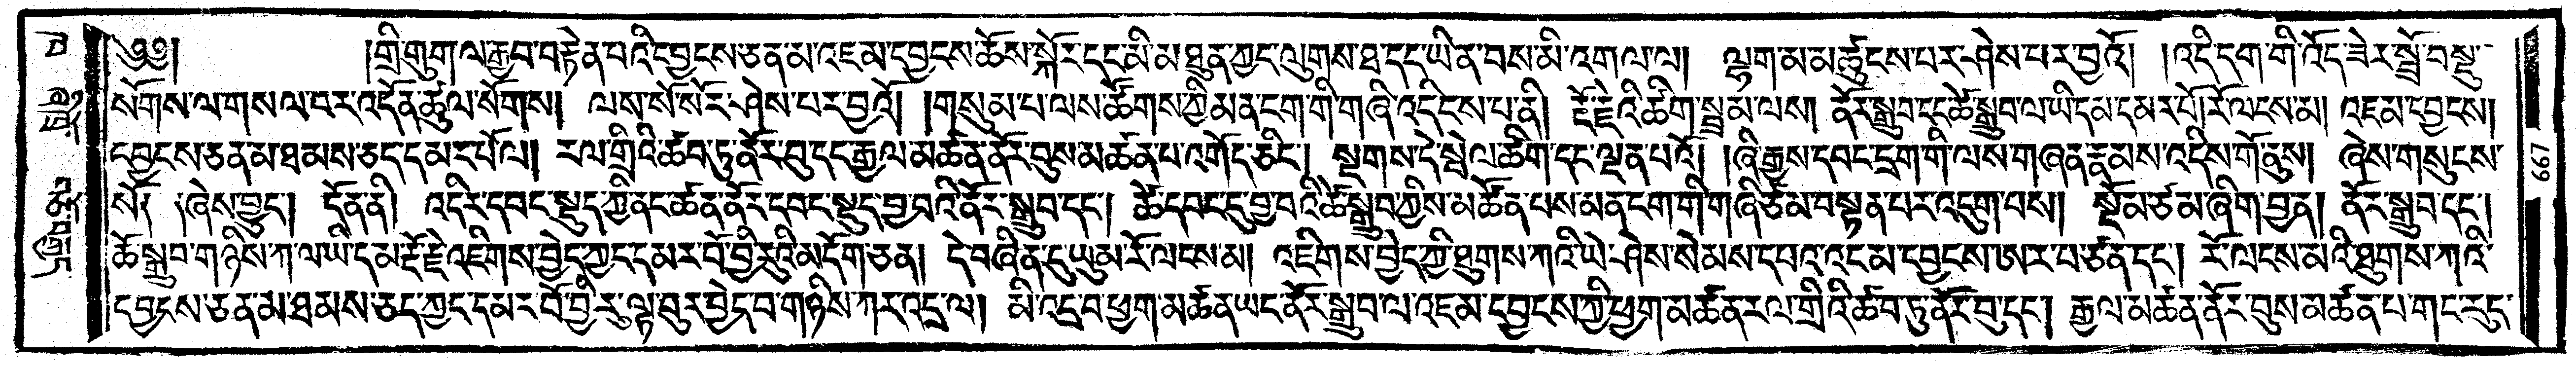༄༅། །གྲི་གུག་ལ་རྒྱབ་བརྟེན་པའི་དབྱངས་ཅན་མ་འཇམ་དབྱངས་ཆོས་སྐོར་དང་མི་མཐུན་ཀྱང་ལུགས་ཐ་དད་ཡིན་བས་མི་འགལ་ལ། ལྷག་མ་མཚུངས་པར་ཤེས་པར་བྱའོ། །འདི་དག་གི་འོད་ཟེར་སྤྲོ་བསྡུ་
སོགས་ལ་གསལ་བར་འདོན་ཚུལ་སོགས། ལས་སོ་སོར་ཤེས་པར་བྱའོ། །གསུམ་པ་ལས་ཚོགས་ཀྱི་མན་ངག་གི་གཞི་འདིངས་པ་ནི། རྡོ་རྗེའི་ཚིག་སྦྲམ་ལས། ནོར་སྒྲུབ་དང་ཚེ་སྒྲུབ་ལ་ཡི་དམ་དམར་པོ། རོ་ལངས་མ། འཇམ་དབྱངས།
དབྱངས་ཅན་མ་ཐམས་ཅད་དམར་པོ་ལ། རལ་གྲིའི་ཚབ་ཏུ་ནོར་བུ་དང་རྒྱལ་མཚན་ནོར་བུས་མཚན་པ་འགོད་ཅིང་། སྔགས་དེ་སྤེལ་ཚིག་དང་ལྡན་པའོ། །ཞི་རྒྱུས་དབང་དྲག་གི་ལས་གཞན་རྣམས་འདིས་གོ་ནུས། ཞེས་གསུངས་
སོ༑ ༑ཞེས་བྱུང་། དོན་ནི། འདིར་དབང་སྡུད་ཀྱི་ནང་ཚན་ནོར་དབང་སྡུད་བྱ་བའི་ནོར་སྒྲུབ་དང་། ཚེ་དབང་དུ་བྱ་བའི་ཚེ་སྒྲུབ་ཀྱིས་མཚོན་པས་མན་ངག་གི་གཞི་ཙམ་བསྟན་པར་འདུག་པས། སྡོམ་ཙམ་ཞིག་བྱ་ན། ནོར་སྒྲུབ་དང་།
ཚེ་སྒྲུབ་གཉིས་ཀ་ལ་ཡི་དམ་རྡོ་རྗེ་འཇིགས་བྱེད་ཀྱང་དམར་པོ་བྱི་རུའི་མདོག་ཅན། དེ་བཞིན་དུ་ཡུམ་རོ་ལངས་མ། འཇིགས་བྱེད་ཀྱི་ཐུགས་ཀའི་ཡེ་ཤེས་སེམས་དཔའ་འཇམ་དབྱངས་ཨ་ར་པ་ཙ་ན་དང་། རོ་ལངས་མའི་ཐུགས་ཀའི་
དབྱངས་ཅན་མ་ཐམས་ཅད་ཀྱང་དམར་བོ་བྱི་རུ་ལྟ་བུར་བྱེད་བ་གཉིས་ཀར་འདྲ་ལ། མི་འདྲ་བ་ཕྱག་མཚན་ཡང་ནོར་སྒྲུབ་ལ་འཇམ་དབྱངས་ཀྱི་ཕྱག་མཚན་རལ་གྲིའི་ཚབ་ཏུ་ནོར་བུ་དང་། རྒྱལ་མཚན་ནོར་བུས་མཚན་པ་གང་རུང་